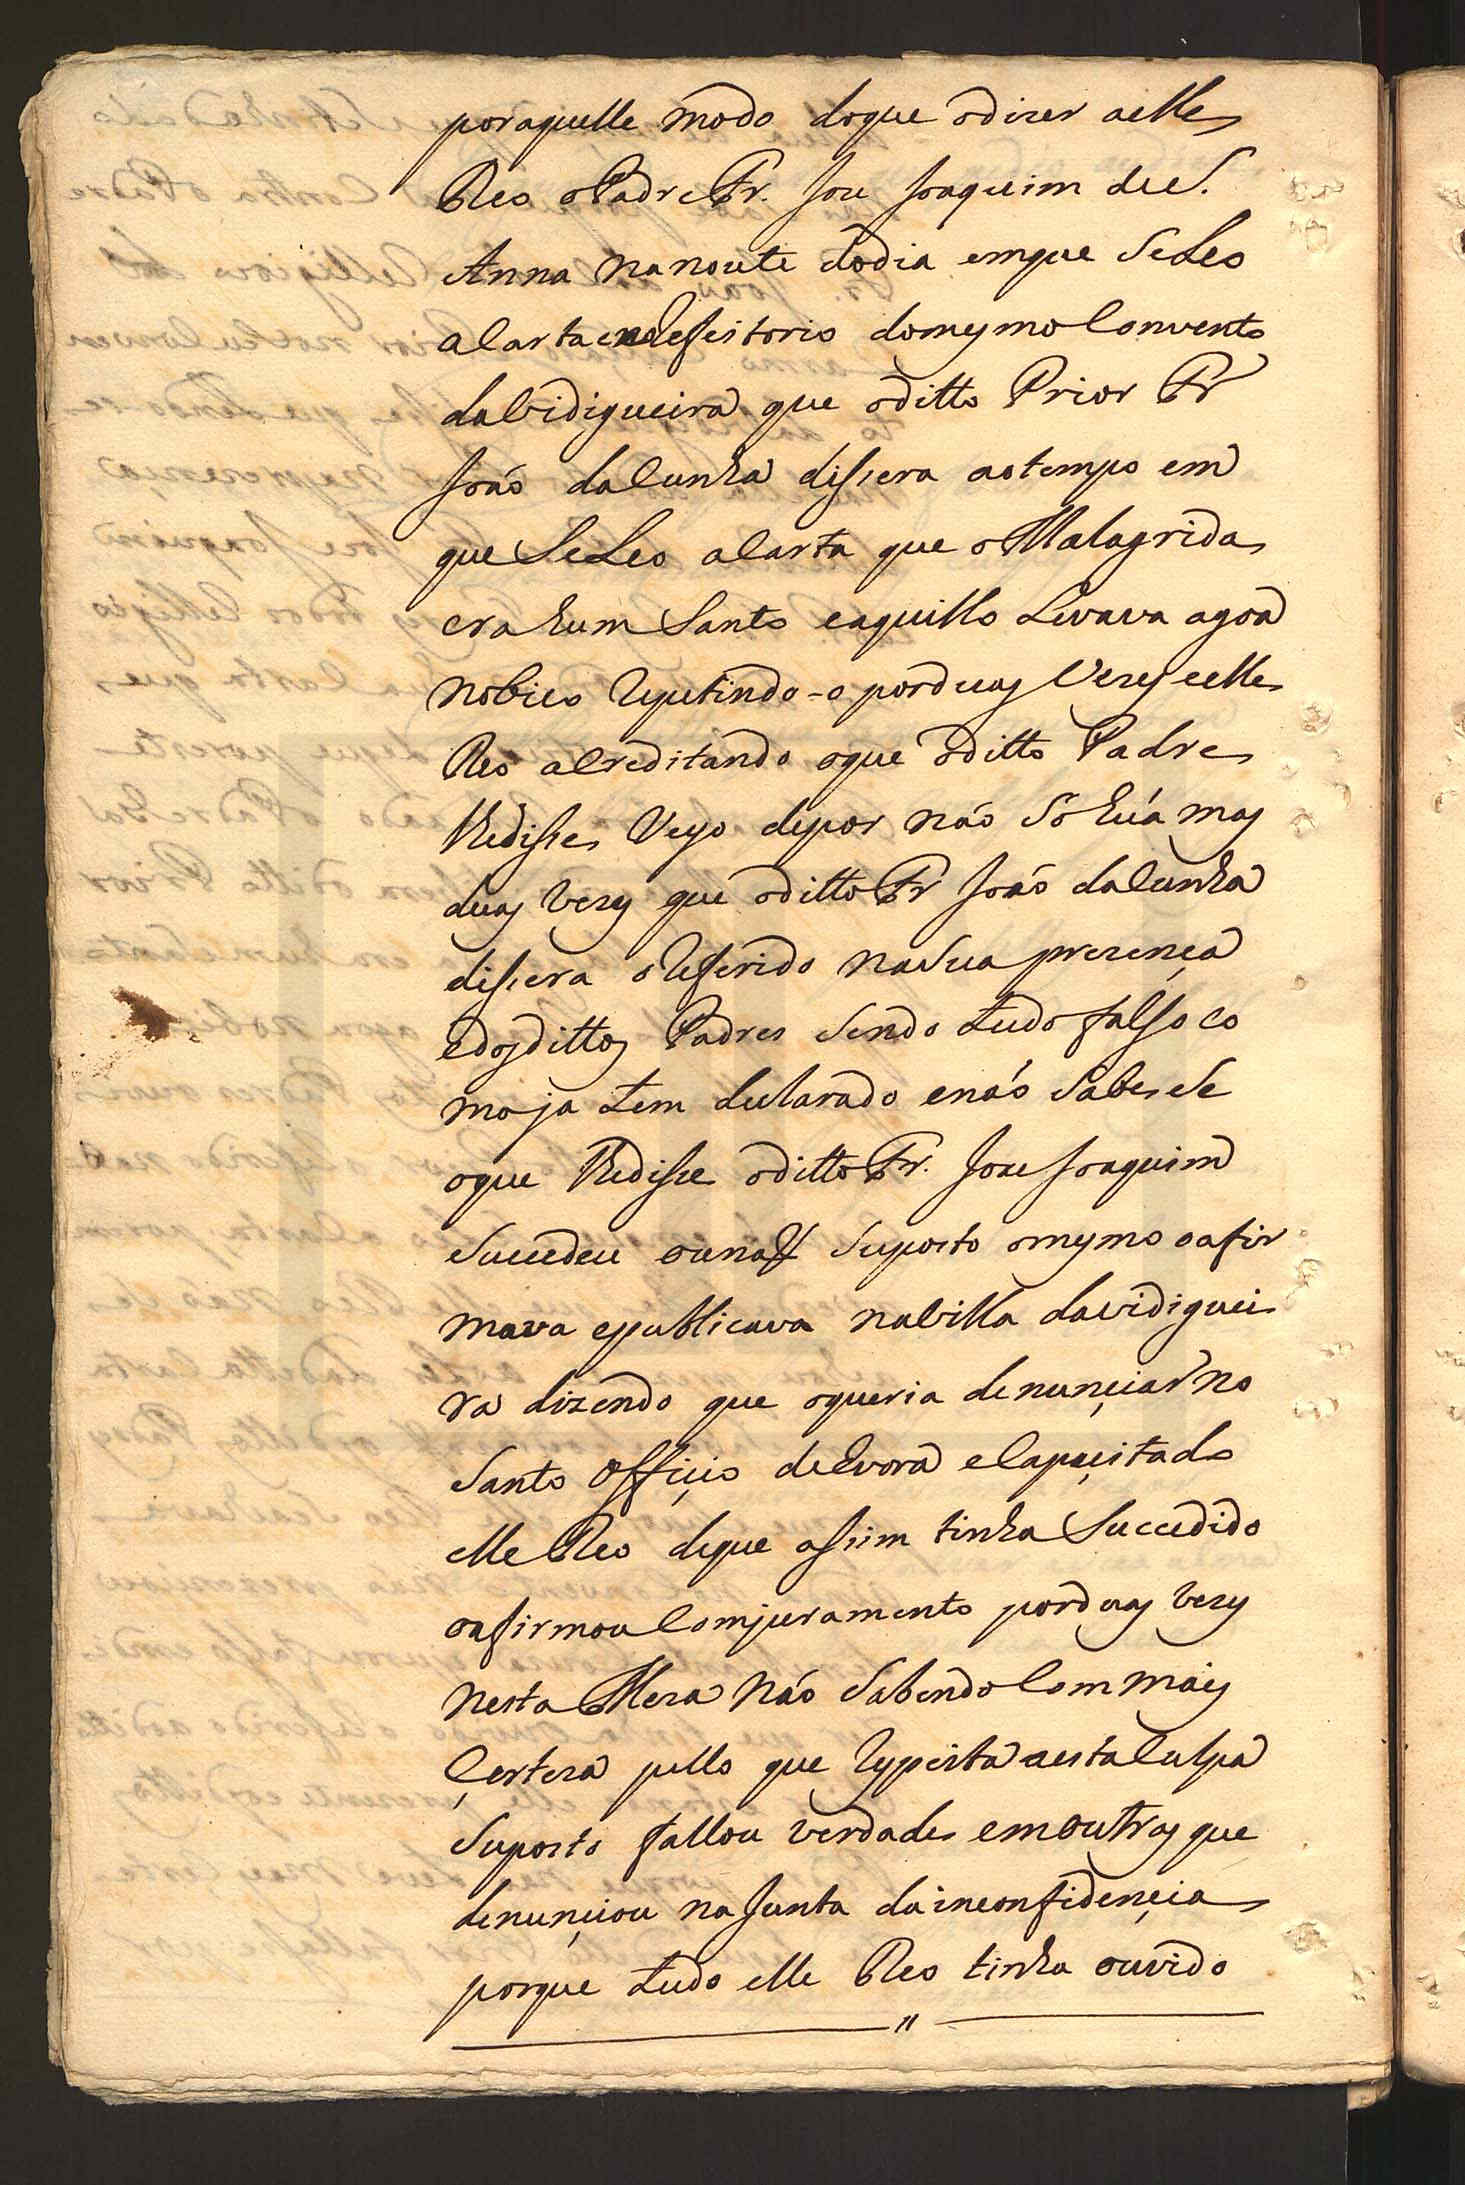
por aquelle modo do que o dizer a elle
Reo o Padre Fr. Joze Joaquim de S.
Anna na noute do dia em que se Leo
a carta e no Refeitorio do mesmo Convento
da Vidigueira que o ditto Prior Fr
Joaõ da Cunha dissera ao tempo em
que Se Leo a carta que o Malagrida
era hum Santo e aquillo Levava agoa
no bico repetindo-o por duas vezes e elle
Reo acreditando o que o ditto Padre
lhe disse Veyo depor naõ só huã mas
duas vezes que o ditto Fr Joaõ da Cunha
dissera o Referido na sua prezença
e dos dittos Padres sendo tudo falso co
mo ja tem declarado e naõ sabe se
o que lhe disse o ditto Fr. Joze Joaquim
succedeu ou naõ suposto o mesmo o afir
mava e publicava na villa da vidiguei
ra dizendo que o queria denunciar no
Santo Officio de Evora e Capacitado
elle Reo de que assim tinha Succedido
o afirmou Com juramento por duas vezes
nesta Meza naõ sabendo Com mais
Certeza pello que respeita a esta culpa
suposto fallou verdade em outras que
denunciou na Junta da inconfidencia
porque tudo elle Reo tinha ouvido
